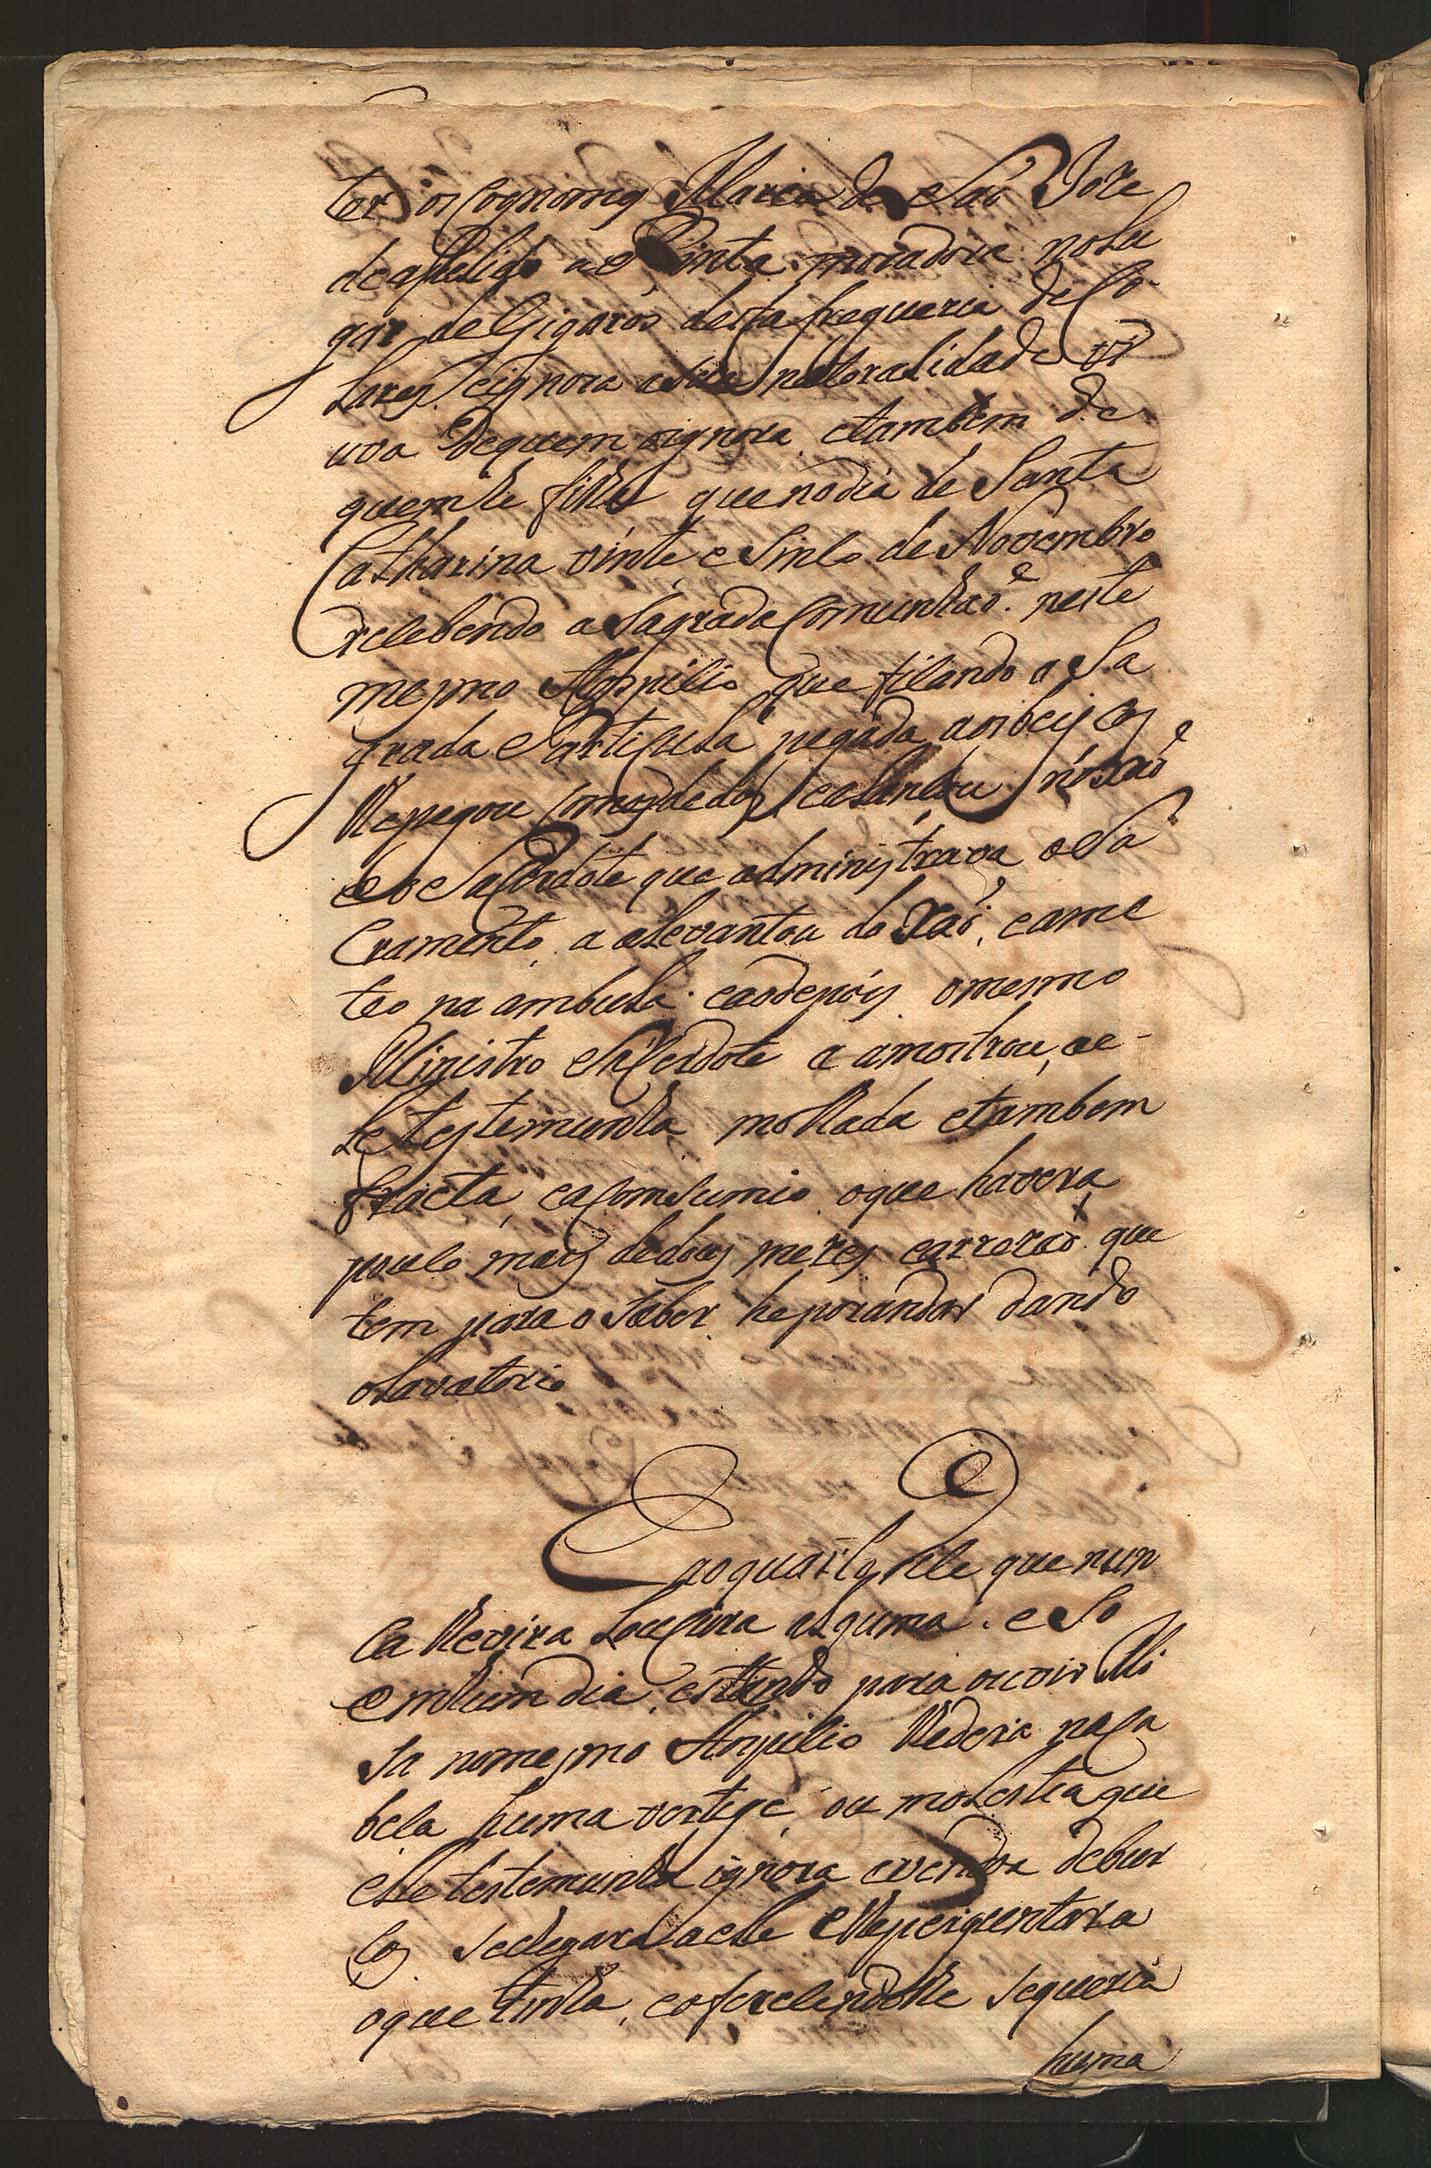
ter os Cognomes Maria de Saõ Ioze
de appelido a Pinta moradora no Lu
gar de Gigaros desta freguezia de Co
Lares e ignora a sua naturalidade vi
uva de quem o ignora e tambem de
quem he filha que no dia de Santa
Catharina vinte, e sinCo de Novembro
recebendo a Sagrada Comunhaõ. neste
mesmo HospiCio que fiCando a Sa
grada PartiCula pegada aos beisços
lhe pegou Com os dedos e a lançou no xaõ
e o SaCerdote que administrava o Sa
Cramento, a alevantou do xaõ, e a me
teo na ambula; e ao depois o mesmo
Ministro SaCerdote a amostrou, a e
le testemunha molhada e tambem
fracta, e a Comsumio o que havera
pouco mais de dous mezes e a rrezaõ que
tem para o saber he por andar dando
o lavatorio
E ao quarto dice que nun
Ca lhe vira Loucura alguma. e so
em hum dia: estando para ouvir Mi
sa no mesmo HospiCio lhe dera na Ca
beÇa huma vertige, ou moLestia que
elle testemunha ignora e vendoa de bur
Ços se chegara a elle e lhe perguntara
o que tinha, e oferecendolhe se queria
huma
